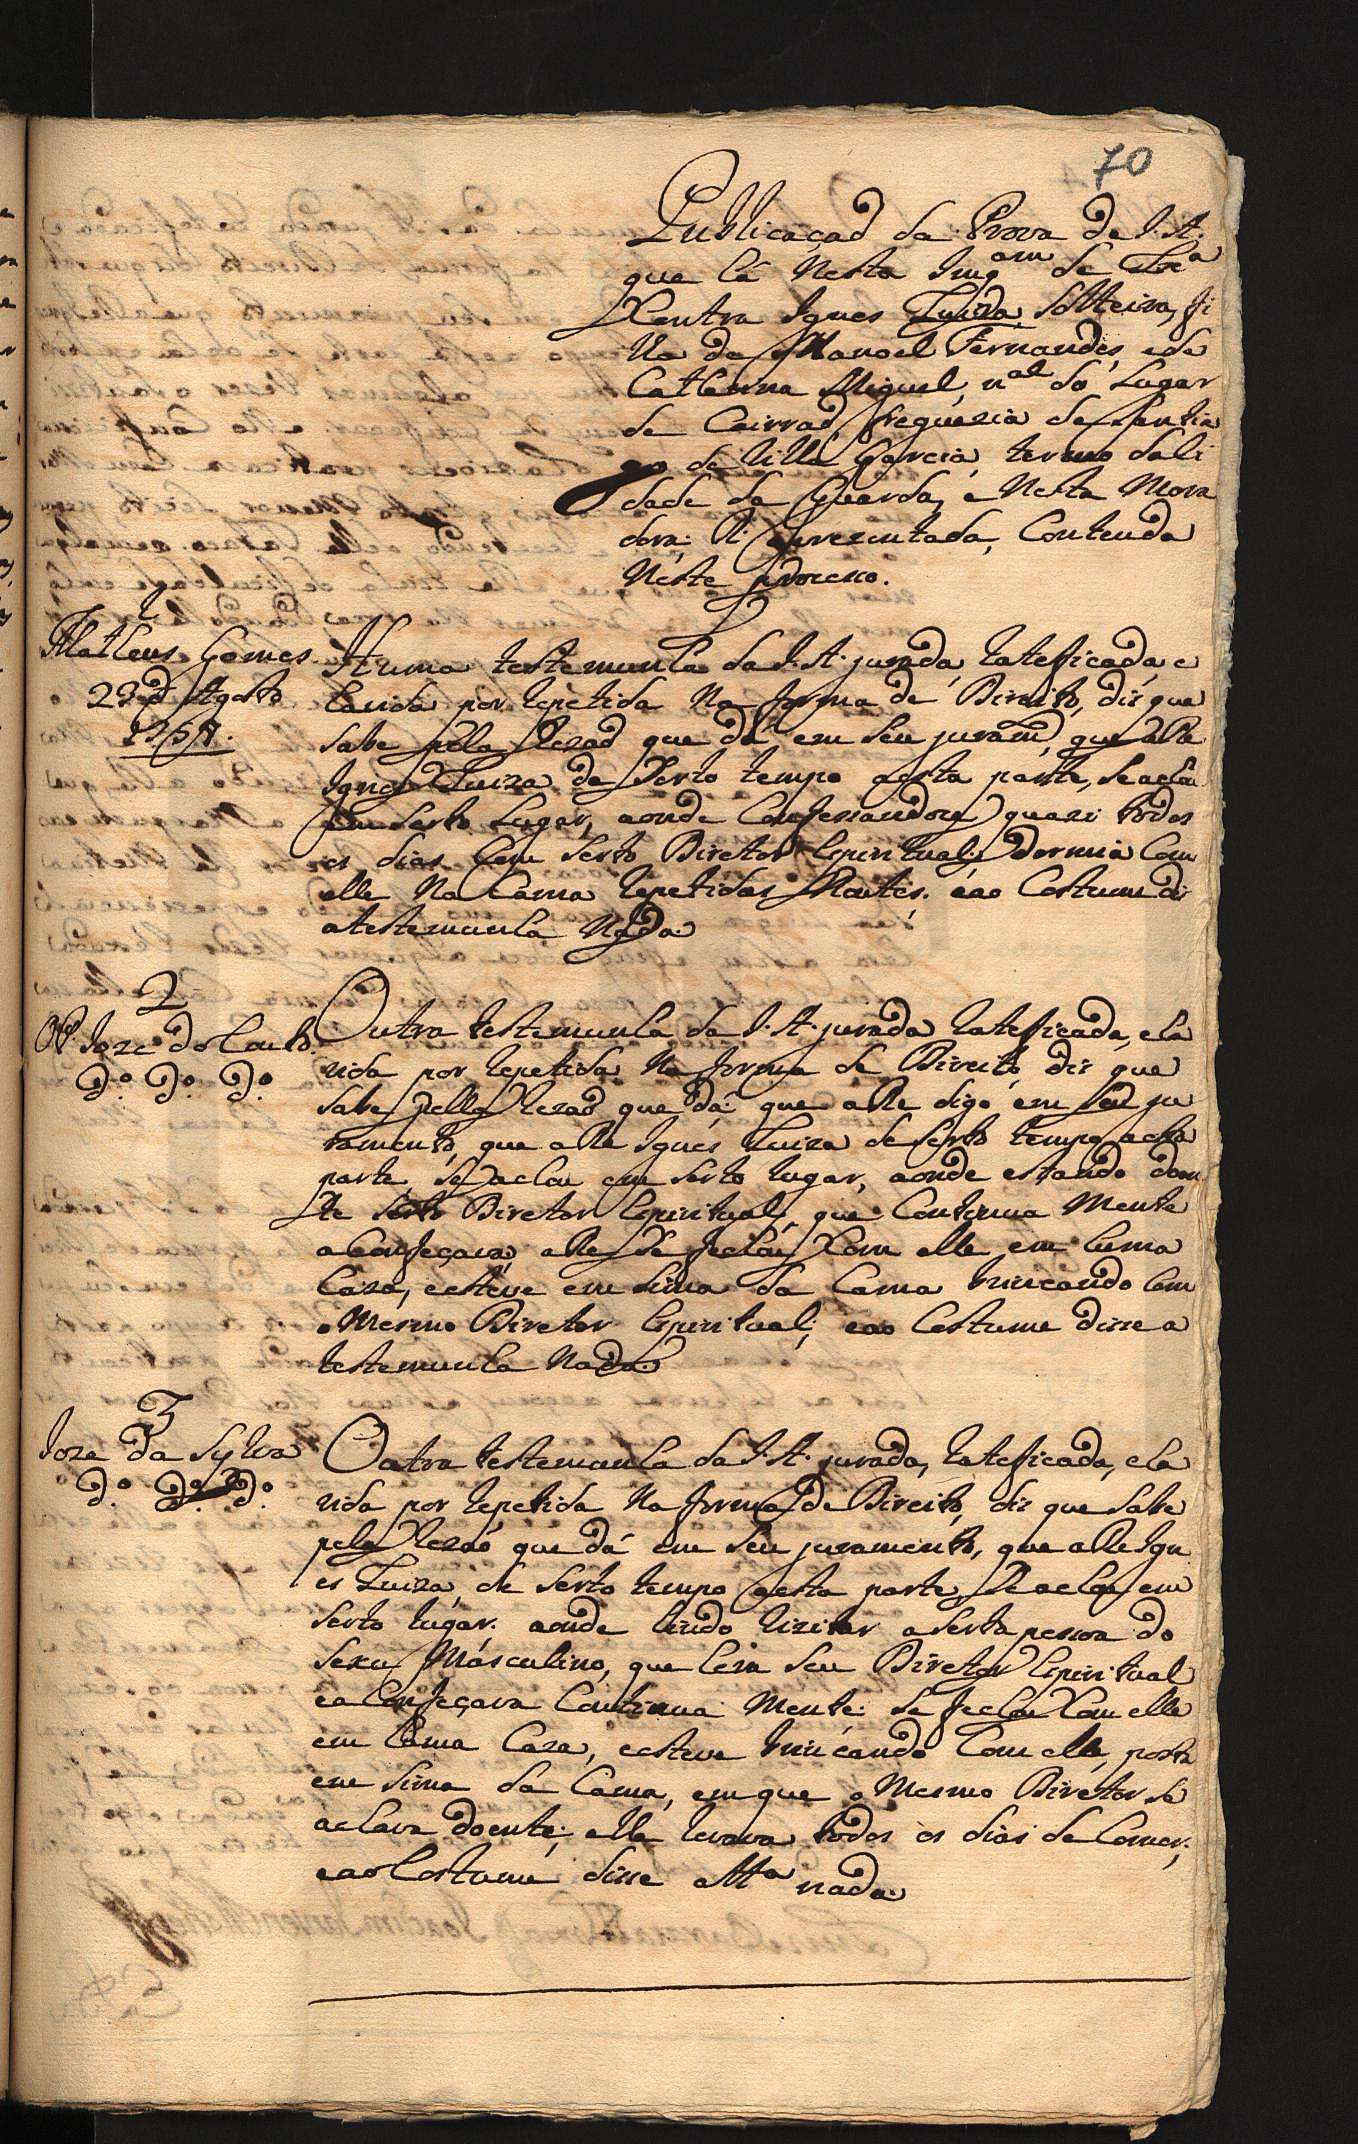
Publicaçaõ da Prova de I. A.
que há nesta Imq.am de Lxa
Contra Ignes Luiza, solteira, fi
lha de Manoel Fernandes, e de
Catherina Miguel, nal do Lugar
de Cairraõ, freguezia de santia
go de Villa Garcia, termo da Ci
dade da Guarda, e Nesta Mora
dora; R. aprezentada, Conteuda
Neste processo.
Matheus Gomes.
Huma testemunha da I. A. jurada Rateficada, e
23 d̄ Agosto
havida por Repetida Na forma de Direito, dis que
sabe pela Rezaõ que dá em seu juramto, que a Re
1758.
Ignes Luiza de serto tempo a esta parte, se achou
em serto Lugar, aonde Confessandoce quazi todos
os dias Com serto Diretor Espiritual dormia Com
elle Na Cama Repetidas Noites; e ao Costume di
a testemunha Nada.
2
O P. Ioze do Couto
Outra testemunha de S. A. jurada Rateficada, e ha
vida por Repetida na forma de Direito, dis que
d.o d.o d.o
sabe pella Rezaõ que dá; que a Re digo em seu ju
ramento, que a Re Ignes Luiza de Certo tempo a esta
parte se achou em serto lugar, aonde estando doen
te serto Diretor Esperitual, que ComtenuaMente
a Confeçava, a Re se achou Com elle em huma
Caza, e esteve em sima da Cama brincando Com
o Mesmo Diretor Esperitual; e ao Costume disse a
testemunha Nada.
3
Ioze da Sylva
Outra testemunha da I. A. jurada, Rateficada, e ha
d.o d.o d.o
vida por Repetida Na forma de Direito, diz que sabe
pela Rezaõ que dá em seu juramento, que a Re Ign
es Luiza, de serto tempo a esta parte se achou em
serto lugar; aonde hindo Vizitar a serta pessoa do
sexu Masculino, que hera seu Diretor Espiritual
e a Confeçava Continuamente; se fechou Com elle
em huma Caza, e esteve brincando Com elle, posta
em Sima da Cama, em que o Mesmo Diretor se
achava doente; ella Rezava todos os dias de Comer;
e ao Costume disse a tta nada.
